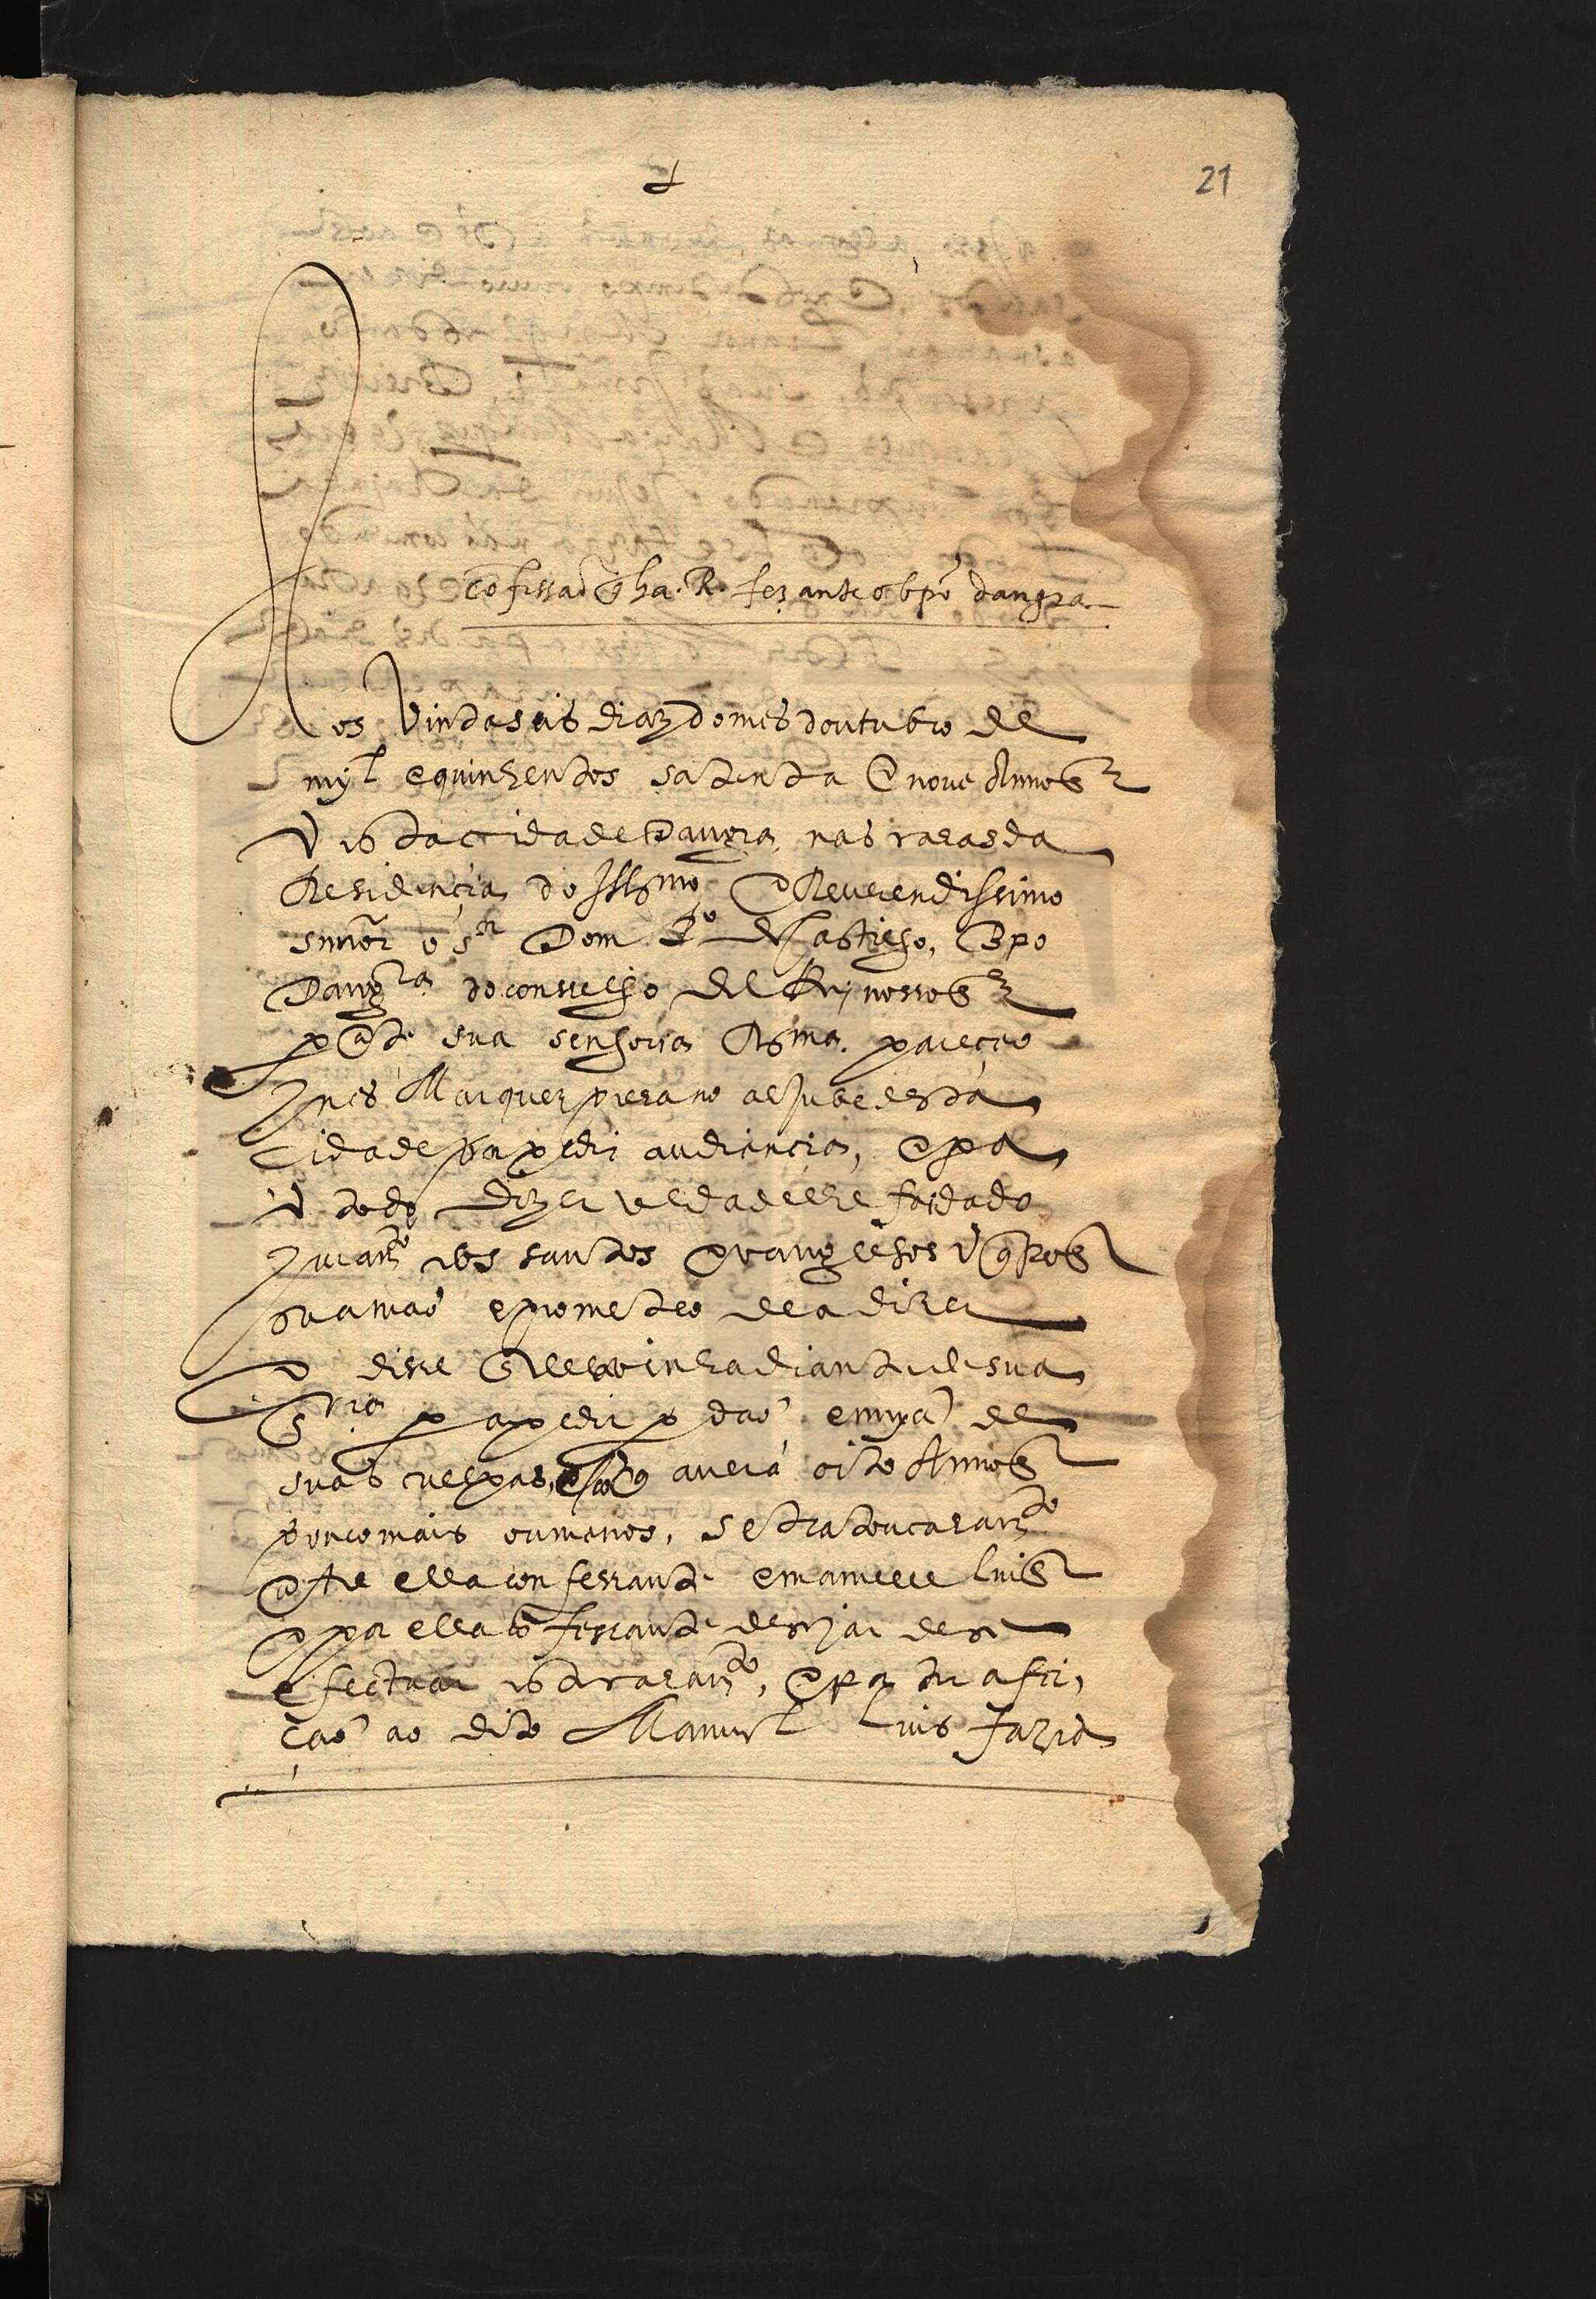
co̅fissão q̅ ha .R. fez ante o bpo̅ dangra
Aos Vinta seis diaz do mes doutubro de
myl e quinhentos satenta e noue Annos
e̅ esta çidade dangra nas casas da
Residençia do Jllsmo e Reuerendissimo
snn̅or o s.or Dom Po de Castilho, Bpo
Dangra. do consselho del Rey nosso sor
ꝑ a̅te sua senhoria Rsma. pareçeo
Jnes Marquez preza no aljube desta
cidade ꝟ a pedir audiençia, e ꝑa
e̅ todo dizer verdade lhe foi dado
Juramto dos santos evangelhos e̅ q̅ pos
sua mão e prometeo de a dizer
e disse q̅ ellla vinha diante de sua
sria. ꝑa pedir ꝑdaõ e mya̅ de
suas cullpas, e co̅ q̅ auerá oito Annos
pouco mais ou menos, se tratou cazamto
a̅tre ella confessante e manuell Luis
e por ella co̅fessante desejar de se
efectuar este cazamto, e por ter afei
çaoõ ao dito Manuel Luis fazia
